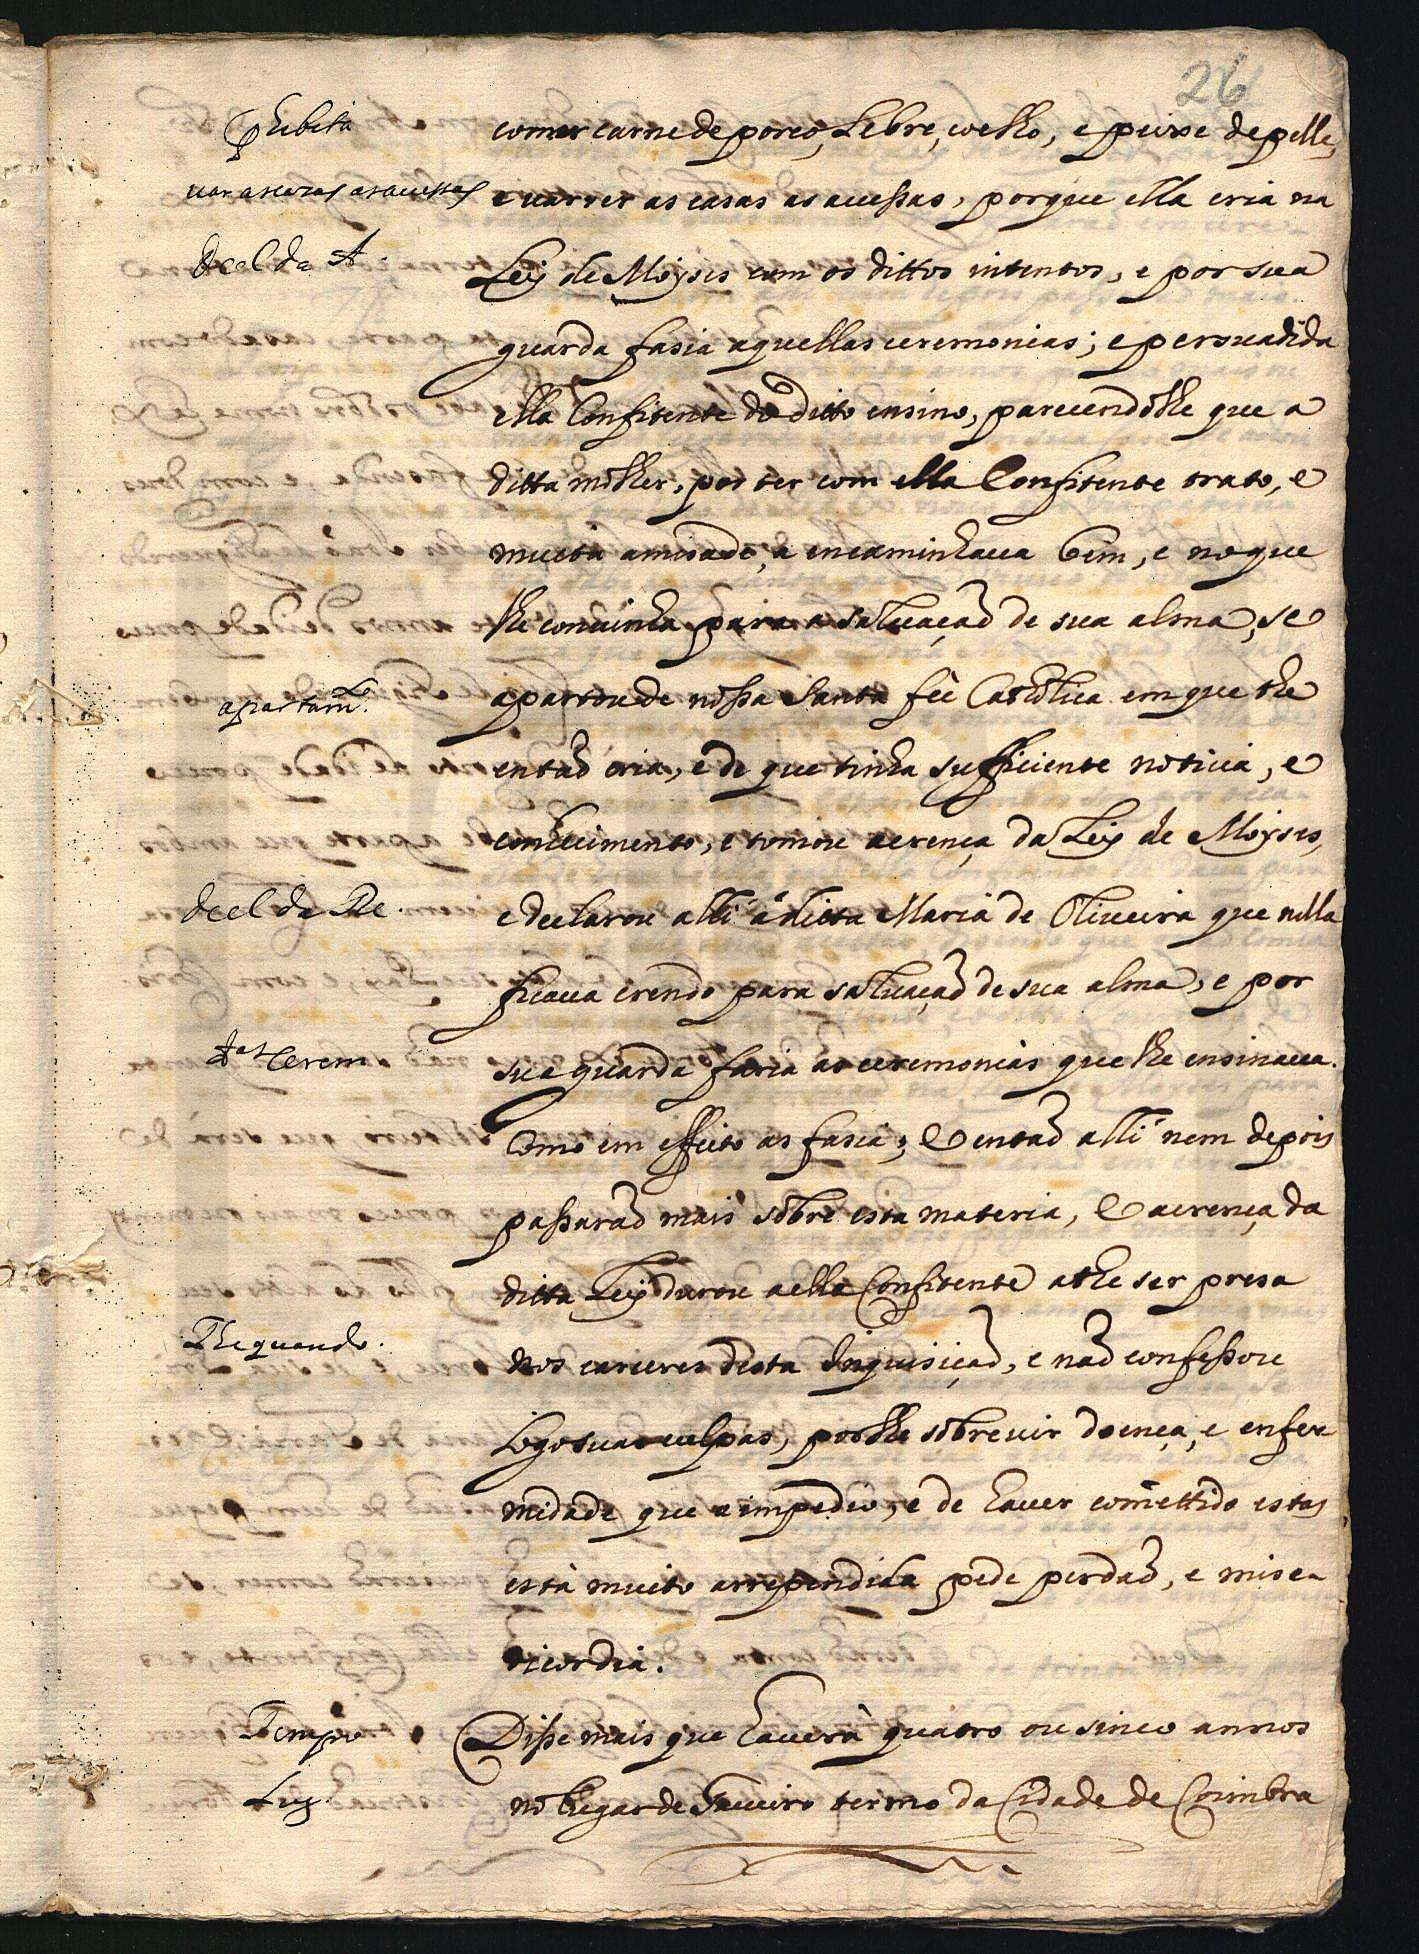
comer carne de porco, lebre, coelho, e peixe de pelle,
e varrer as casas as avessas, porque ella cria na
Lei de Moyses com os dittos intentos, e por sua
guarda fasia aquellas ceremonias; e persuadida
ella Confitente do ditto ensino, parecendo lhe que a
ditta mulher, por ter com ella Confitente trato, e
de muita amizade, a encaminhava bem, e no que
lhe convinha para a salvação da sua alma, se
apartou de nossa Santa feè Catholica em que the
entaõ cria, e de que tinha sufficiente noticia, e
conhecimento, e tomou a crença da Lei de Moyses
e declarou alli à dicta Maria de Oliveira que nella
ficava crendo para salvação de sua alma, e por
sua guarda faria as ceremonias que lhe ensinava
como em effeito fasia; e entaõ alli nem depois
passaraõ mais sobre esta materia, e a crença da
ditta Lei durou a ella Confitente athe ser presa
nos carceres desta Inquisiçaõ,e naõ confessou
logo suas culpas, por lhe sobrevir doença e enfer
midade que a impediu, e de haver commetido estas
està muito arrependida pede perdaõ, e mise
ricordia.
Disse mais que haverà quatro ou sinco annos
no lugar de Taveiro termo da Cidade de Coimbra
